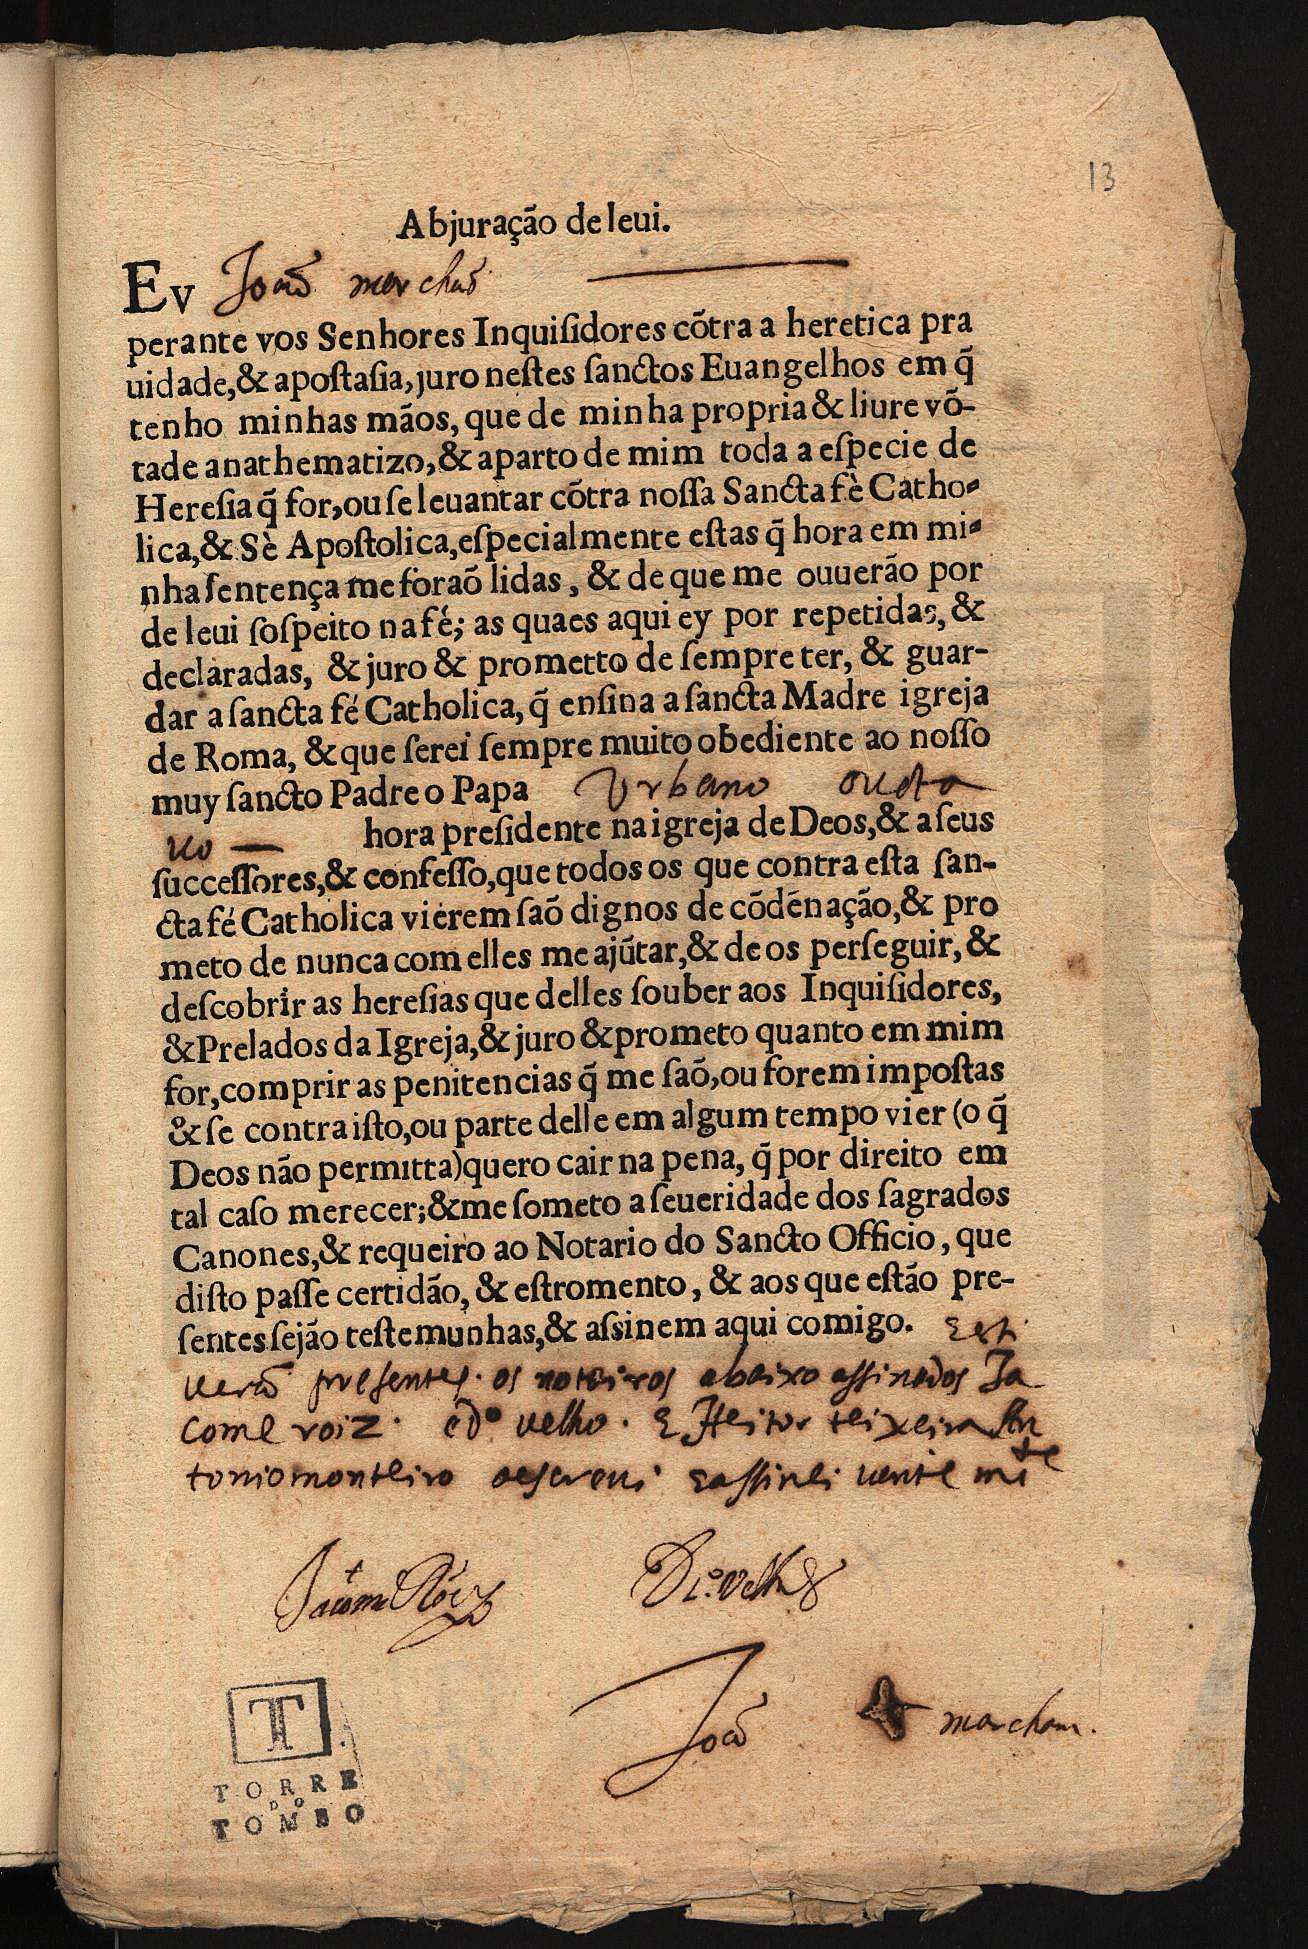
Abjuração de leui.
EV Joaõ marchaõ
perante vos Senhores Inquisidores cōtra a heretica pra
uidade, & apostasia, juro nestes sanctos Euangelhos em q̄
tenho minhas mãos, que de minha propria, & liure vō
tade anathematizo, & aparto de mim toda a especie de
Heresia q̄ for, ou se leuantar cōtra nossa Sancta fè Catho
lica, & Sè Apostolica, especialmente estas q̄ hora em mi
nha sentença me foraõ lidas, & de que me ouuerão por
de leui sospeito na fé; as quaes aqui ey por repetidas, &
declaradas, & juro & prometto de sempre ter, & guar
dar a sancta fé Catholica, q̄ ensina a sancta Madre igreja
de Roma, & que serei sempre muito obediente ao nosso
muy sancto Padre o Papa Vrbano oucta
uo
hora presidente na igreja de Deos, & a seus
successores, & confesso, que todos os que contra esta san
cta fé Catholica vierem saõ dignos de cōdēnação, & pro
meto de nunca com elles me ajūtar, & de os perseguir, &
descobrir as heresias que delles souber aos Inquisidores,
& Prelados da Igreja, & juro, & prometo quanto em mim
for, comprir as penitencias q̄ me saõ, ou forem impostas
& se contra isto, ou parte delle em algum tempo vier (o q̄
Deos não permitta) quero cair na pena, q̄ por direito em
tal caso merecer; & me someto a seueridade dos sagrados
Canones, & requeiro ao Notario do Sancto Officio, que
disto passe certidão, & estromento, & aos que estão pre
sentes sejão testemunhas, & assinem aqui comigo. E esti
ueraõ presentes. os notairos abaixo assinados Ia
come roiz e do velho. E Heitor teixeira An
tonio monteiro o escreui. E assinei iuntemete
Jacome Roīz
Di.o velho
Joaõ
marcham.
